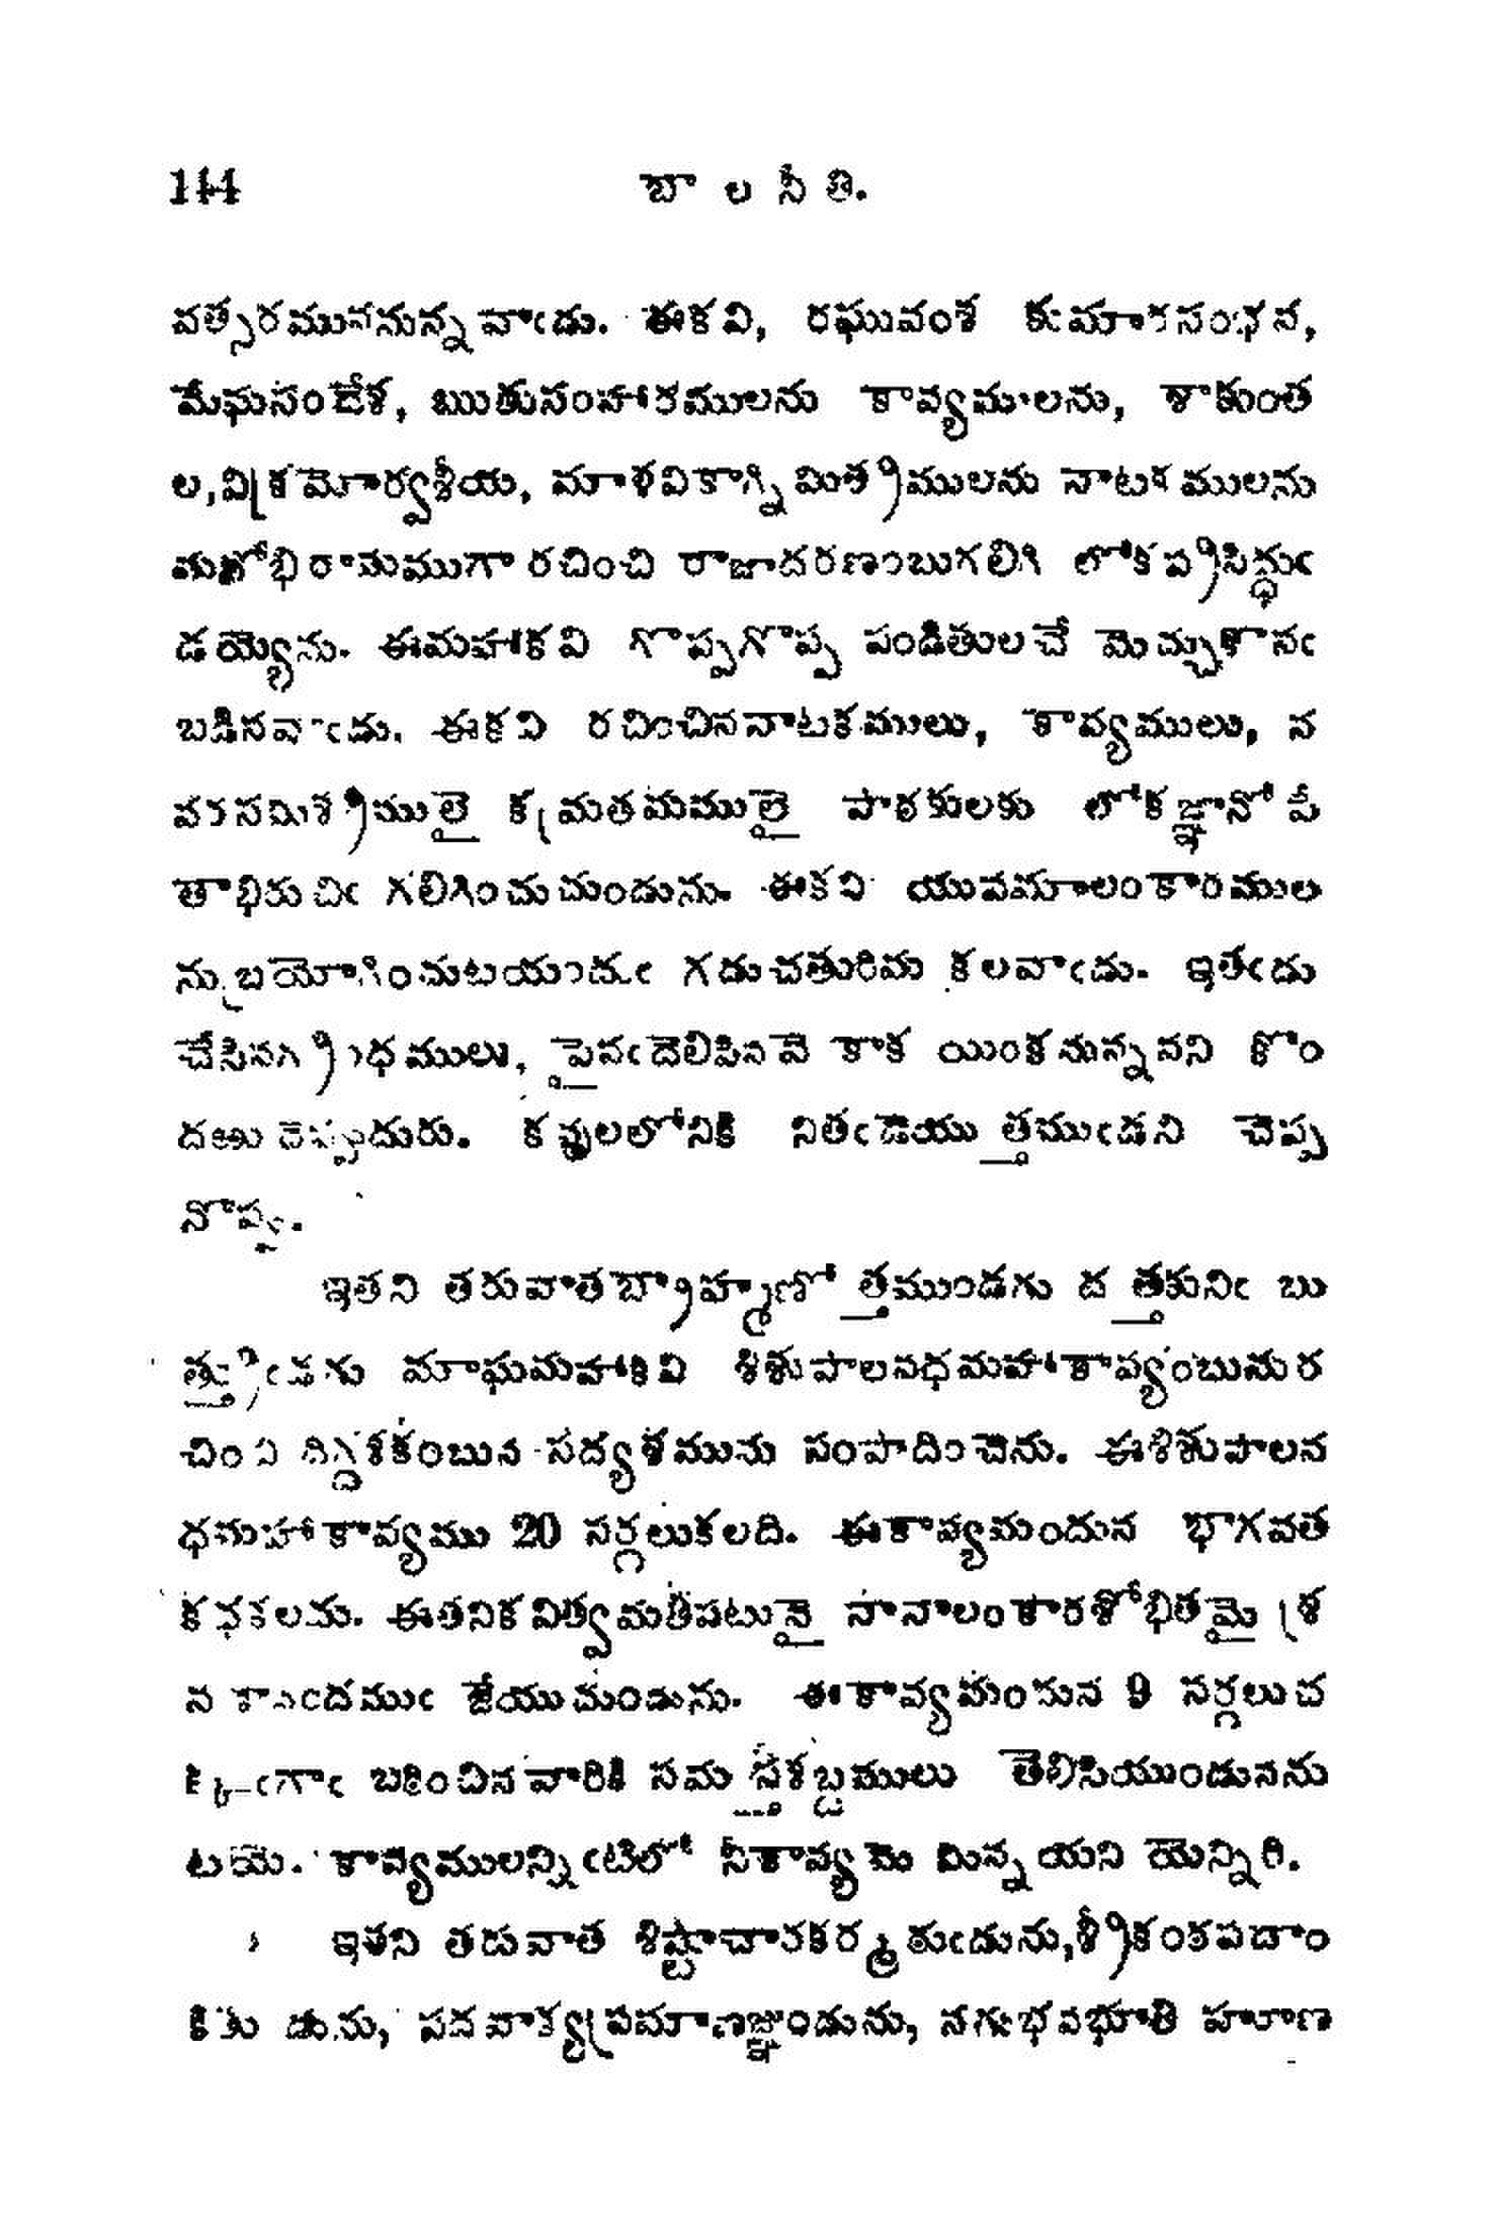వత్సరముననున్నవాఁడు. ఈకవి, రఘువంశ కుమారసంభవ, 
మేఘసందేశ, ఋతుసంహారములను కావ్యములను, శాకుంత
ల, విక్రమోర్వశీయ, మాళవికాగ్నిమిత్రములను నాటకములను 
మనోభిరామముగా రచించి రాజాదరణంబుగలిగి లోకప్రసిద్ధుఁ 
డయ్యెను. ఈమహాకవి గొప్పగొప్ప పండితులచే మెచ్చుకొనఁ
బడినవాఁడు. ఈకవి రచించిననాటకములు, కావ్యములు, న
వరసమిశ్రములై కమ్రతమములై పాఠకులకు లోకజ్ఞానోపే
తాభిరుచిఁ గలిగించుచుండును. ఈకవి యుపమాలంకారముల
నుబ్రయోగించుటయందుఁ గడుచతురిమ కలవాఁడు. ఇతఁడు 
చేసినగ్రంధములు, పైనఁదెలిపినవె కాక యింకనున్నవని కొం
దఱు చెప్పుదురు. కవులలోనికి నితఁడెయుత్తముఁడని చెప్ప
నొప్పు.
 
ఇతని తరువాతబ్రాహ్మణోత్తముండగు దత్తకునిఁ బు
త్రుఁడగు మాఘమహాకవి శిశుపాలవధ మహాకావ్యంబును ర
చించి దిగ్దశకంబున సద్యశమును సంపాదించెను. ఈశిశుపాలవ
ధమహాకావ్యము 20 సర్గలుకలది. ఈకావ్యమందున భాగవత 
కధకలదు. ఈతనికవిత్వమతిపటునై నానాలంకారశోభితమై శ్ర
వణానందముఁ జేయుచుండును. ఈకావ్యమందున 9 సర్గలుచ
క్కఁగాఁ బఠించినవారికి సమస్తశబ్దములు తెలిసియుండునను
టయె. కావ్యములన్నిఁటిలో నీకావ్యమె మిన్నయని యెన్నిరి.
 
ఇతని తరువాత శిష్టాచారకర్మఠుఁడును, శ్రీకంఠపదాం
కితుఁడును, పదవాక్యప్రమాణజ్ఞుండును, నగుభవభూతి హూణ